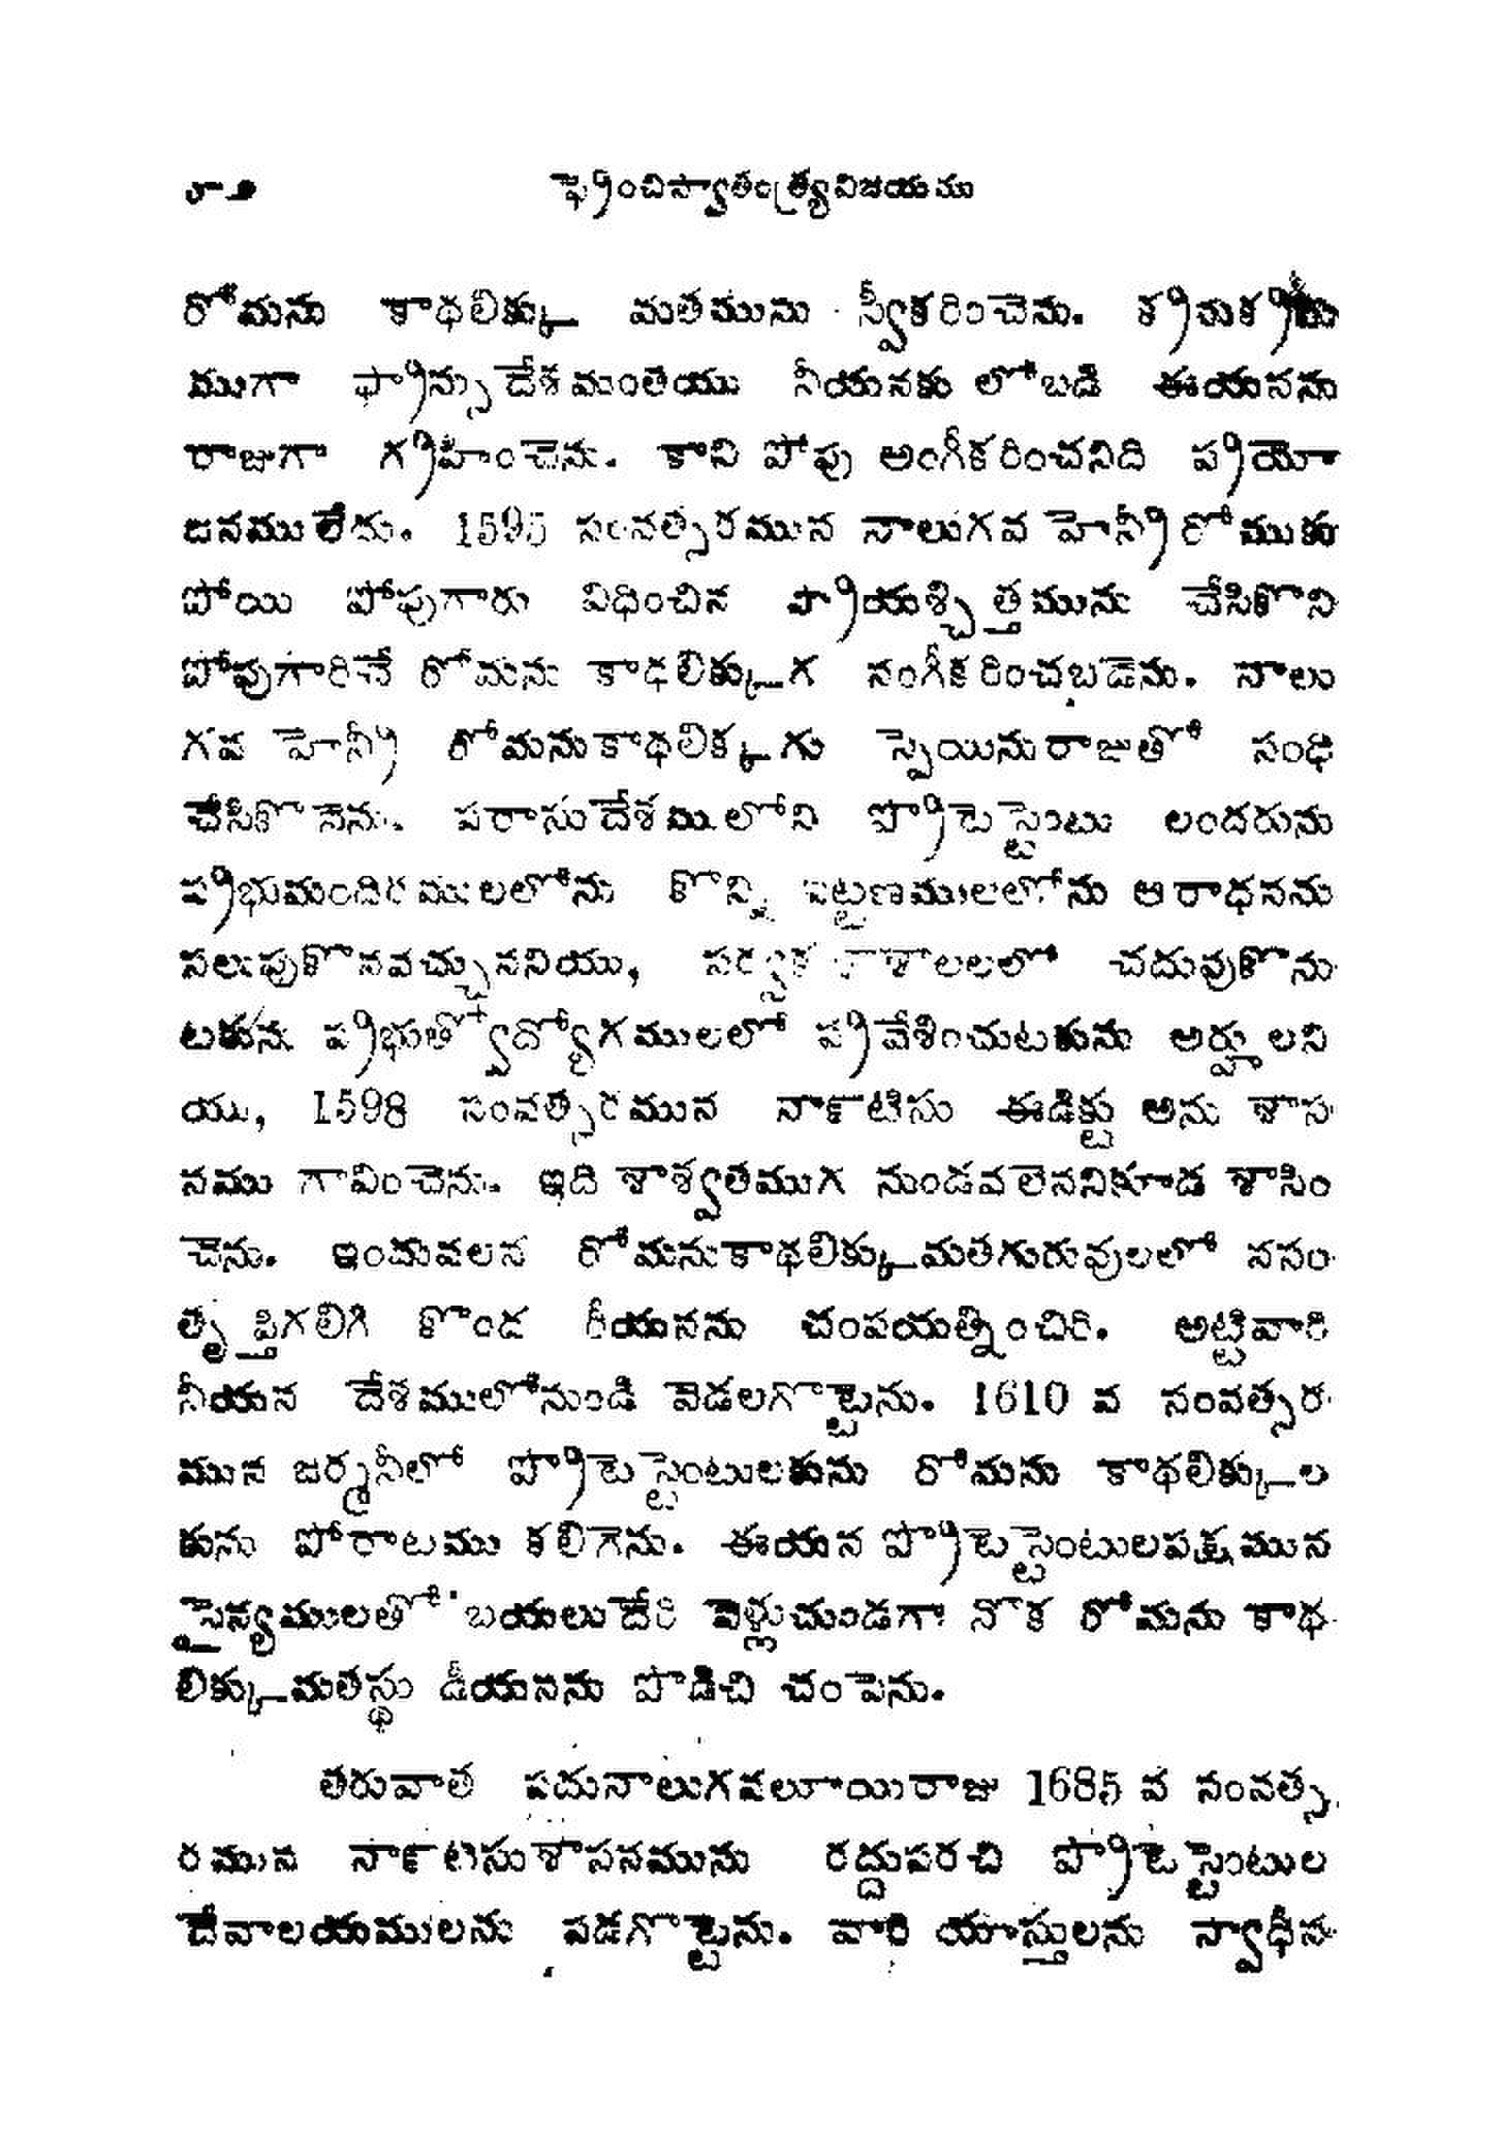రోమసు కాథలిక్కు మతమును స్వీకరించెను. క్రమక్రమ
ముగా ఫ్రాన్సు దేశ మంతయు నీయనకు లోబడి ఈయనను
రాజుగా గ్రహించెను. కాని పోపు అంగీకరించనిది ప్రయో
జనము లేదు. 1595 సంవత్సరమున నాలుగవ హెన్రీ రోముకు
పోయి పోఫుగారు విధించిన ప్రాయశ్చిత్తమును చేసికొని
పోపు గారిచే రోమును కాథలిక్కుగ సంగీక రించబడెను. నాలు
గవ హేన్రీ రోమను కాథలిక్కగు స్పెయిను రాజుతో సంధి
చేసికొనెను. పరాసు దేశములోని ప్రొటెస్టెంటు లందరును
ప్రభుమందిరము లలోను కొన్ని పట్టణములలోను ఆ రాధనను
సలుపుకొనవచ్చు సనియు, సర్వకశాలలలో చదువుకొను
టకును ప్రభుత్వోద్యోగములలో ప్రవేశించుటకును అర్హులని
యు, 1598 సంవత్సరమున నాన్ టీసు ఈడిక్టు అను శాస
నము గావించెను. ఇది శాశ్వతముగ నుండవలెనని కూడ శాసించెను. 
ఇందువలన రోమను కాథలిక్కు మతగురువులలో నసం
తృప్తిగలిగి కొందరీయనను చంపయత్నించిరి. అట్టివారి
నీయన దేశములోనుండి వెడలగొట్టెను. 1610 వ సంవత్సర
మున జర్మనీలో ప్రొటెస్టెంటులకును రోమును కాథలిక్కుల
కుసు పోరాటము కలిగెను. ఈయన ప్రొటెస్టెంటుల పక్షమున
సైన్యములతో బయలు దేరి వెళ్లుచుండగా నొక రోమను కాథ.
లిక్కు మతస్థు డీయనను పొడిచి చంపెను.

తరువాత పదునాలుగవ లూయిరాజు 1685 వ సంవత్స,
రమున నాన్ టటిసు శాసనమునురద్దుపరచి ప్రొటెస్టెంటుల
దేవాలయములను పడగొట్టెను. వారి యాస్తులను స్వాధీన
.